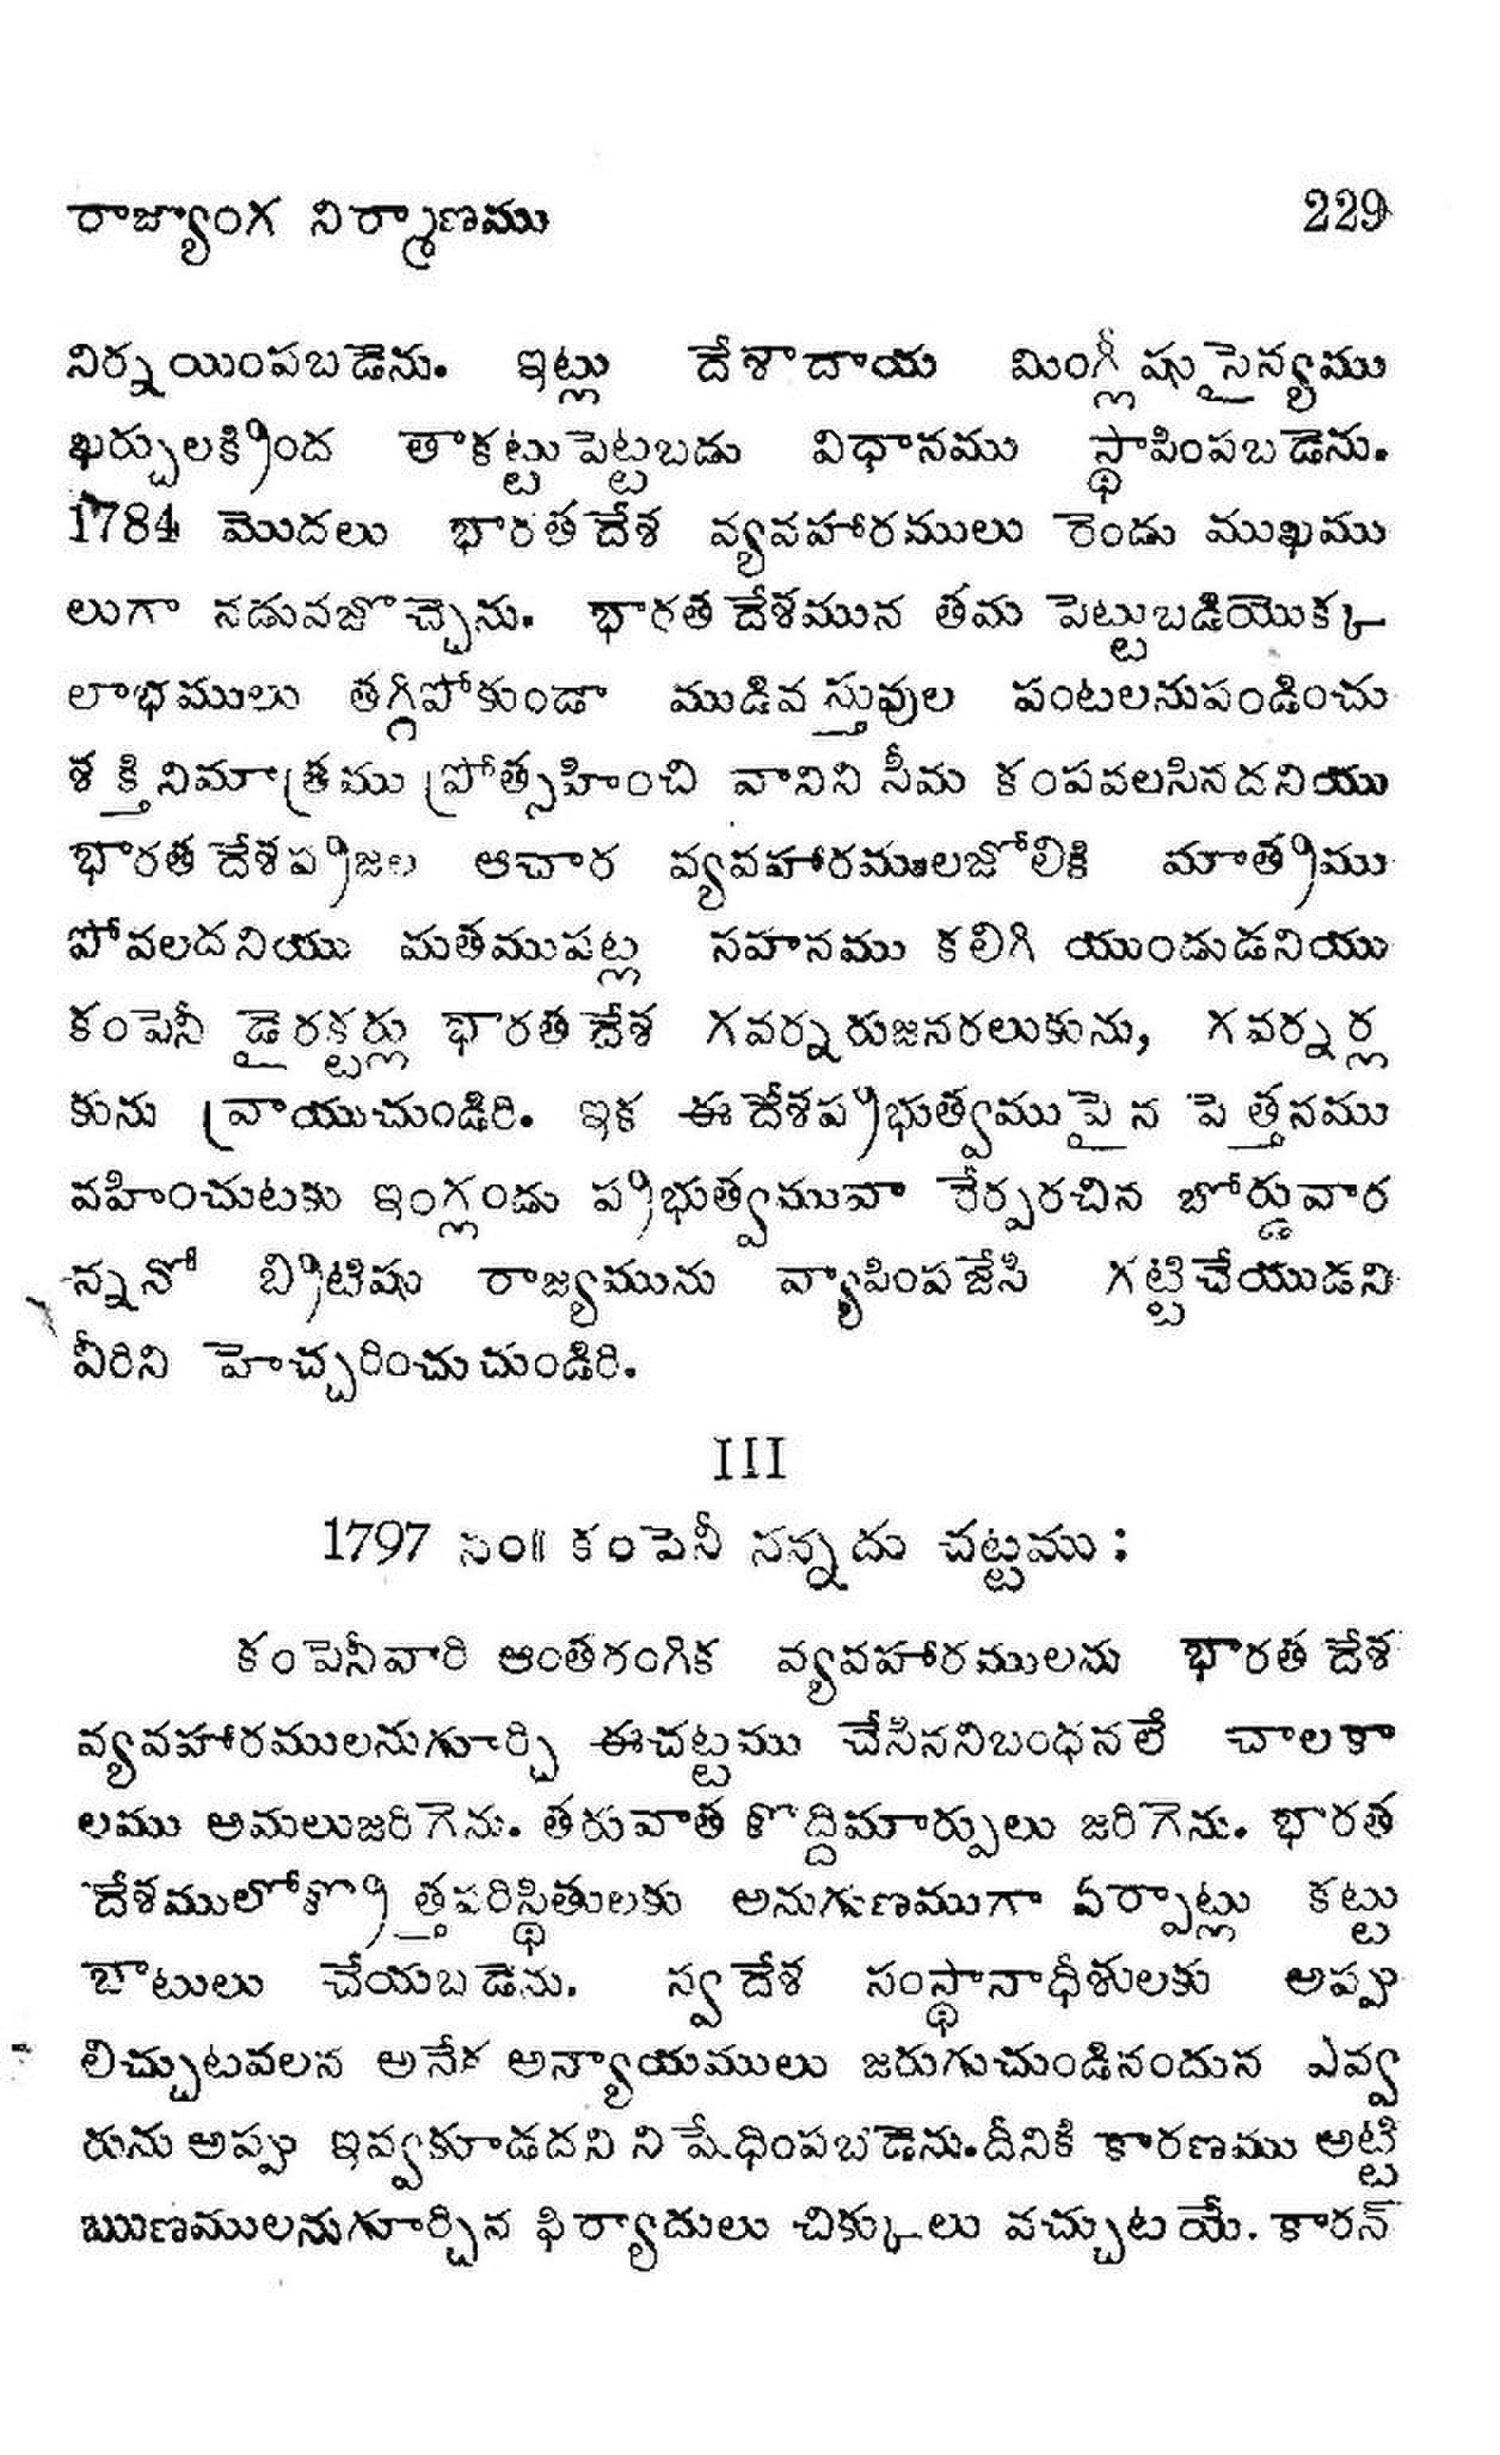నిర్నయింపబడెను. ఇట్లు దేశాదాయ మింగ్లీషుసైన్యము ఖర్చులక్రింద తాకట్టుపెట్టబడు విధానము స్థాపింపబడెను. 1784 మొదలు భారతదేశ వ్యవహారములు రెండు ముఖములుగా నడువజొచ్చెను. భారతదేశమున తమ పెట్టుబడియొక్క లాభములు తగ్గిపోకుండా ముడివస్తువుల పంటలనుపండించు శక్తినిమాత్రము ప్రోత్సహించి వానిని సీమ కంపవలసినదనియు భారతదేశప్రజల ఆచార వ్యవహారములజోలికి మాత్రము పోవలదనియు మతముపట్ల సహనము కలిగి యుండుడనియు కంపెనీ డైరక్టర్లు భారతదేశ గవర్నరుజనరలుకును, గవర్నర్లకును వ్రాయుచుండిరి. ఇక ఈదేశప్రభుత్వముపైన పెత్తనము వహించుటకు ఇంగ్లండు ప్రభుత్వమువా రేర్పరచిన బోర్డువారన్ననో బ్రిటిషు రాజ్యమును వ్యాపింపజేసి గట్టిచేయుడని వీరిని హెచ్చరించుచుండిరి.

III 
1797 సం|| కంపెనీ సన్నదు చట్టము : 

కంపెనీవారి ఆంతరంగిక వ్యవహారములను భారతదేశ వ్యవహారములనుగూర్చి ఈచట్టము చేసిననిబంధనలే చాలకాలము అమలుజరిగెను. తరువాత కొద్దిమార్పులు జరిగెను. భారతదేశములోక్రొత్తపరిస్థితులకు అనుగుణముగా ఏర్పాట్లు కట్టుబాటులు చేయబడెను. స్వదేశ సంస్థానాధీశులకు అప్పులిచ్చుటవలన అనేక అన్యాయములు జరుగుచుండినందున ఎవ్వరును అప్పు ఇవ్వకూడదని నిషేధింపబడెను. దీనికి కారణము అట్టి ఋణములనుగూర్చిన ఫిర్యాదులు చిక్కులు వచ్చుటయే. కారన్